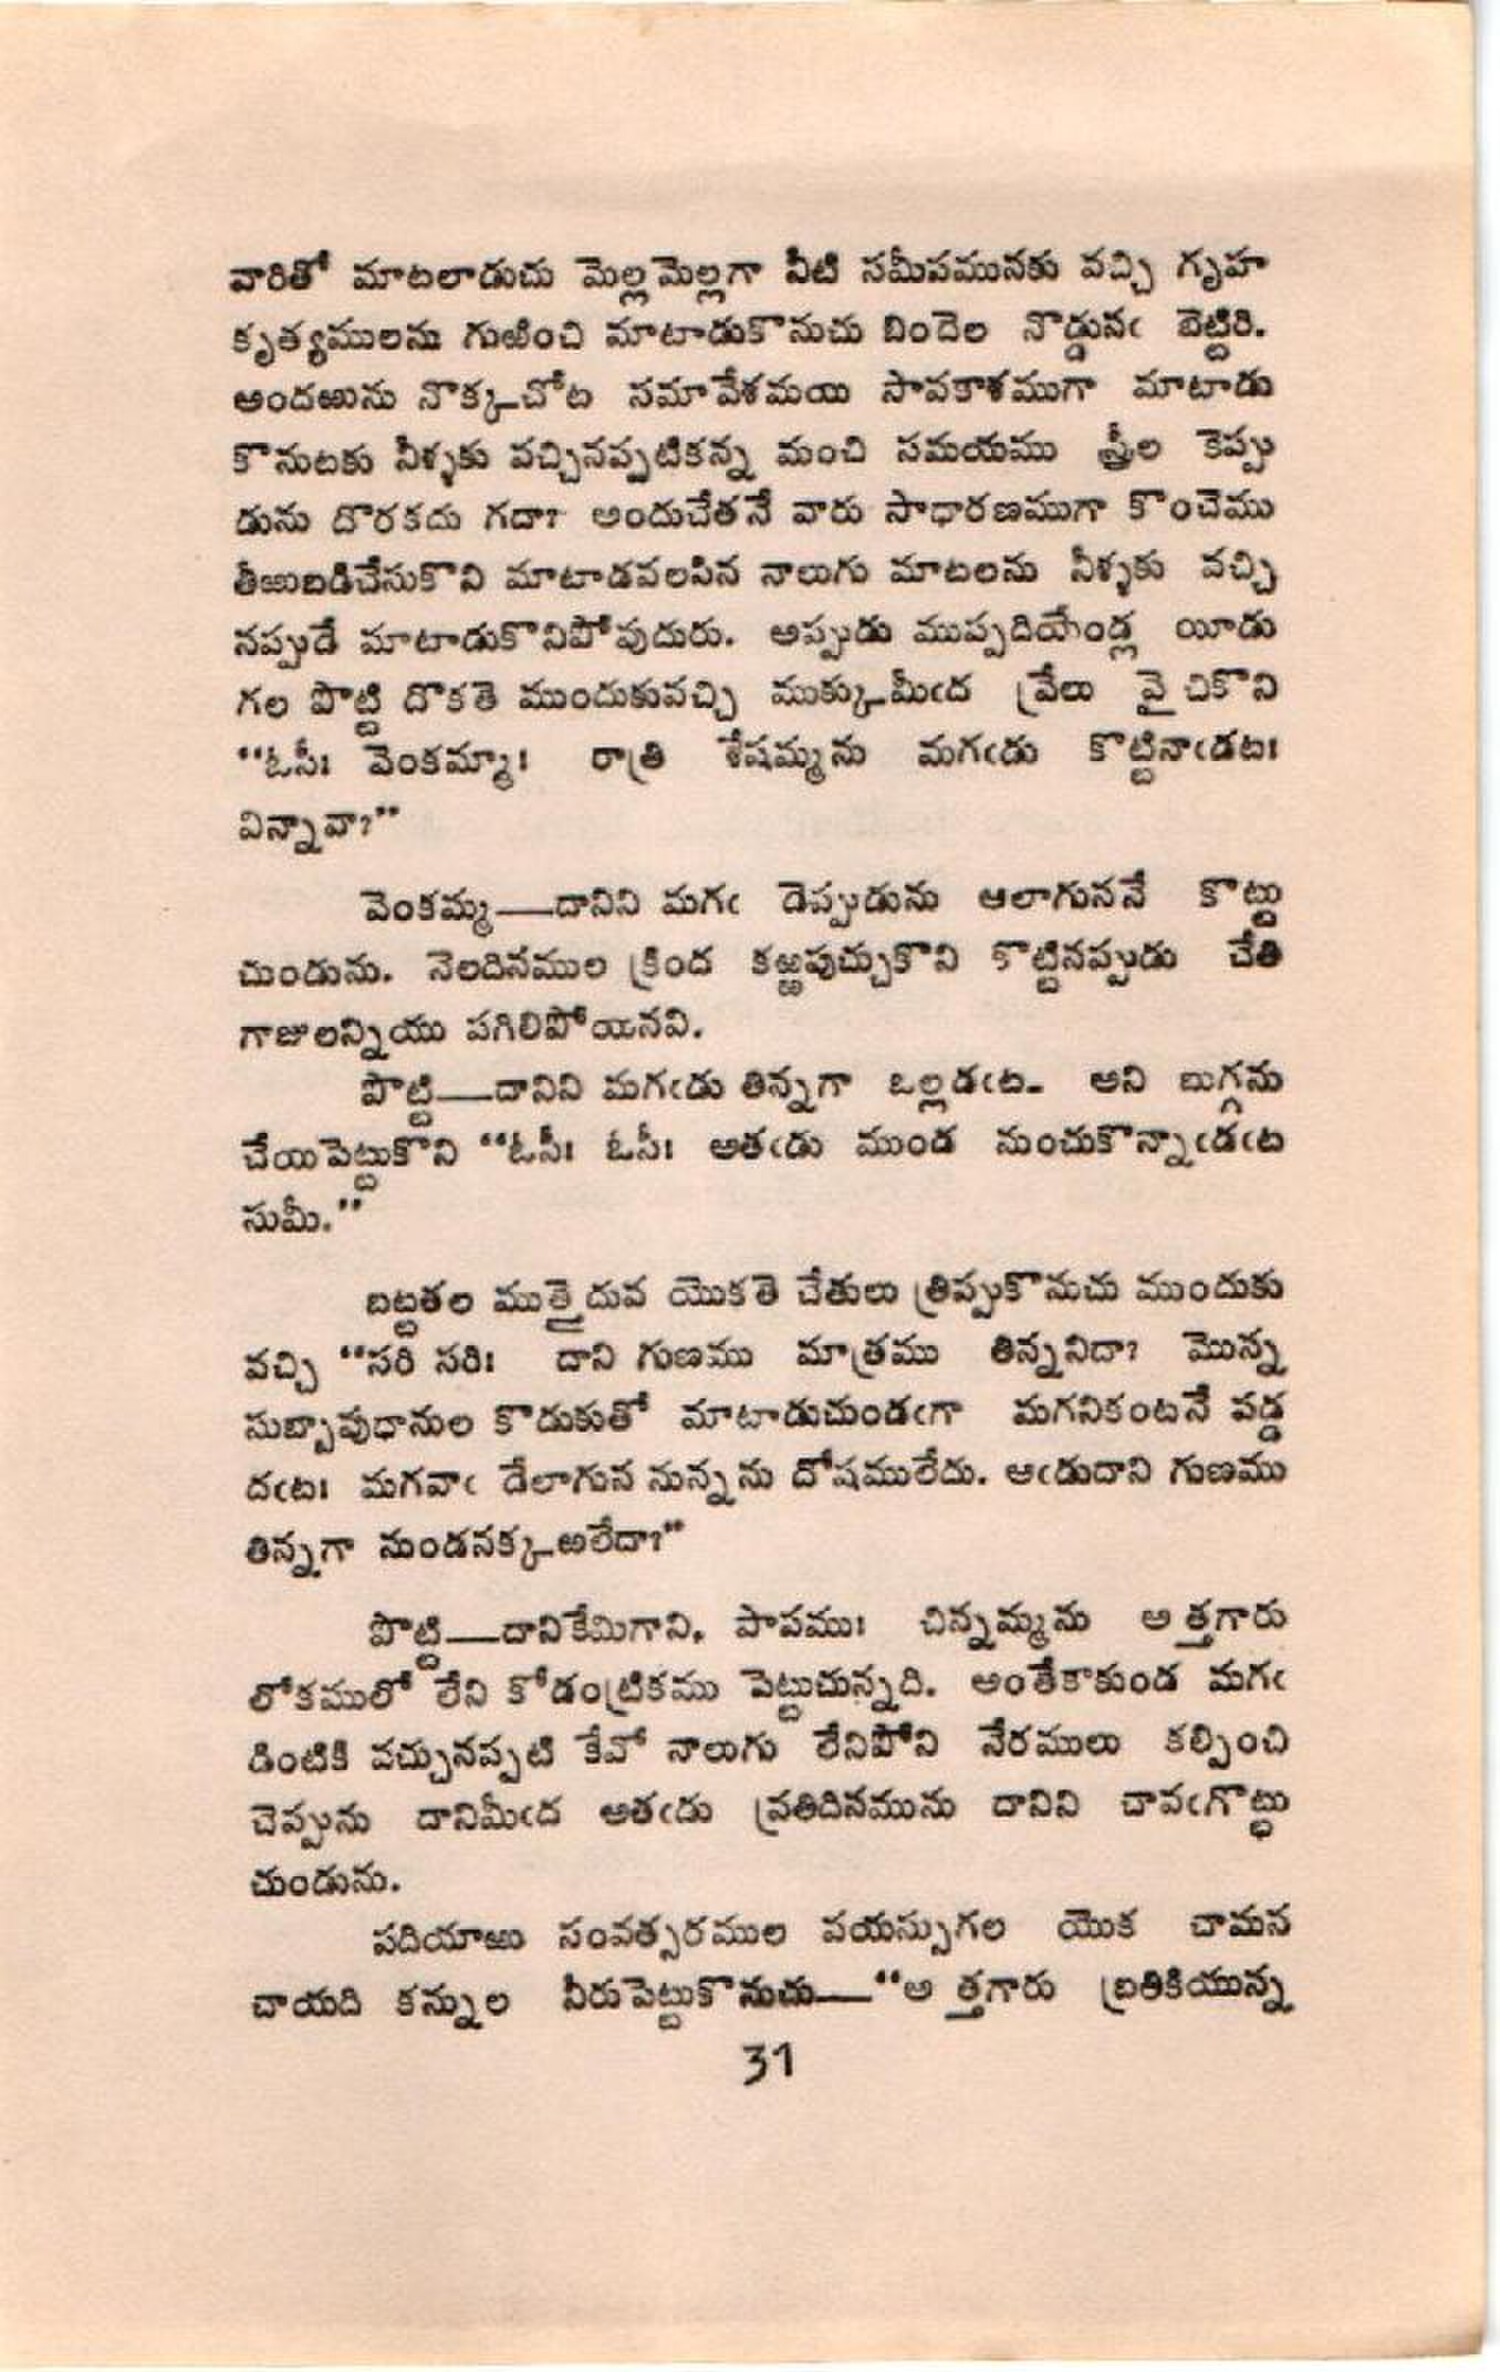వారితో మాటలాడుచు మెల్లమెల్లగా వీటి సమీపమునకు వచ్చి గృహ కృత్యములను గుఱించి మాటాడుకొనుచు బిందెల నొడ్డునఁ బెట్టిరి. అందఱును నొక్కచోట సమావేశమయి సావకాశముగా మాటాడు కొనుటకు నీళ్ళకు వచ్చినప్పటికన్న మంచి సమయము స్త్రీల కెప్పుడును దొరకదు గదా అందుచేతనే వారు సాధారణముగా కొంచెం తీఱుబడిచేసుకుని మాటాడవలసిన నాలుగు మాటలను నీళ్ళకు వచ్చి నప్పడే మాటాడుకొనిపోవుదురు. అప్పుడు ముప్పదియేండ్ల యూడు గల పొట్టి దొకతె ముందుకువచ్చి ముక్కుమీఁద వ్రేలు వైచికొని "ఓసీ వెంకమ్మా! రాత్రి శేషమ్మను మగఁడు కొట్టినాఁడట! విన్నావా?"

వెంకమ్మ__దానిని మగఁ డెప్పుడును అలాగుననే కొట్టుచుండును. నెలదినముల క్రింద కఱ్ఱపుచ్చుకొని కొట్టినప్పుడు చేతి గాజులన్నియు పగిలిపోయినవి.

పొట్టి__దానిని మగఁడు తిన్నగా ఒల్లడcట- అని బుగ్గను చేయిపెట్టుకొని "ఓసీ ఓసీ! అతఁడు ముండ నుంచుకొన్నాఁడఁట సుమీ."

బట్టతల ముతైదువ యొకతె చేతులు త్రిప్పకొనుచు ముందుకు వచ్చి "సరి సరి! దాని గుణము మాత్రము తిన్ననిదా? మొన్న సుబ్బావుధానుల కొడుకుతో మాటాడుచుండగా మగనికంటనే పడ్డ దఁట మగవాఁ డేలాగున నున్నను దోషములేదు. ఆఁడుదాని గుణము తిన్నగా నుండనక్క ఱలేదా?"

పొట్టి__దానికేమిగాని, పాపము: చిన్నమ్మను అత్తగారు లోకములో లేని కోడంట్రికము పెట్టుచున్నది. అంతేకాకుండ మగ డింటికి వచ్చునప్పటి కేవో నాలుగు లేనిపోని నేరములు కల్పించి చెప్పును దానిమీఁద అతఁడు ప్రతిదినమును దానిని చావగొట్టు చుండును.

పదియాఱు సంవత్సరముల వయస్సుగల యొక చామన చాయది కన్నుల నీరు పెట్టుకొనుచు-"అత్తగారు బ్రతికియున్న